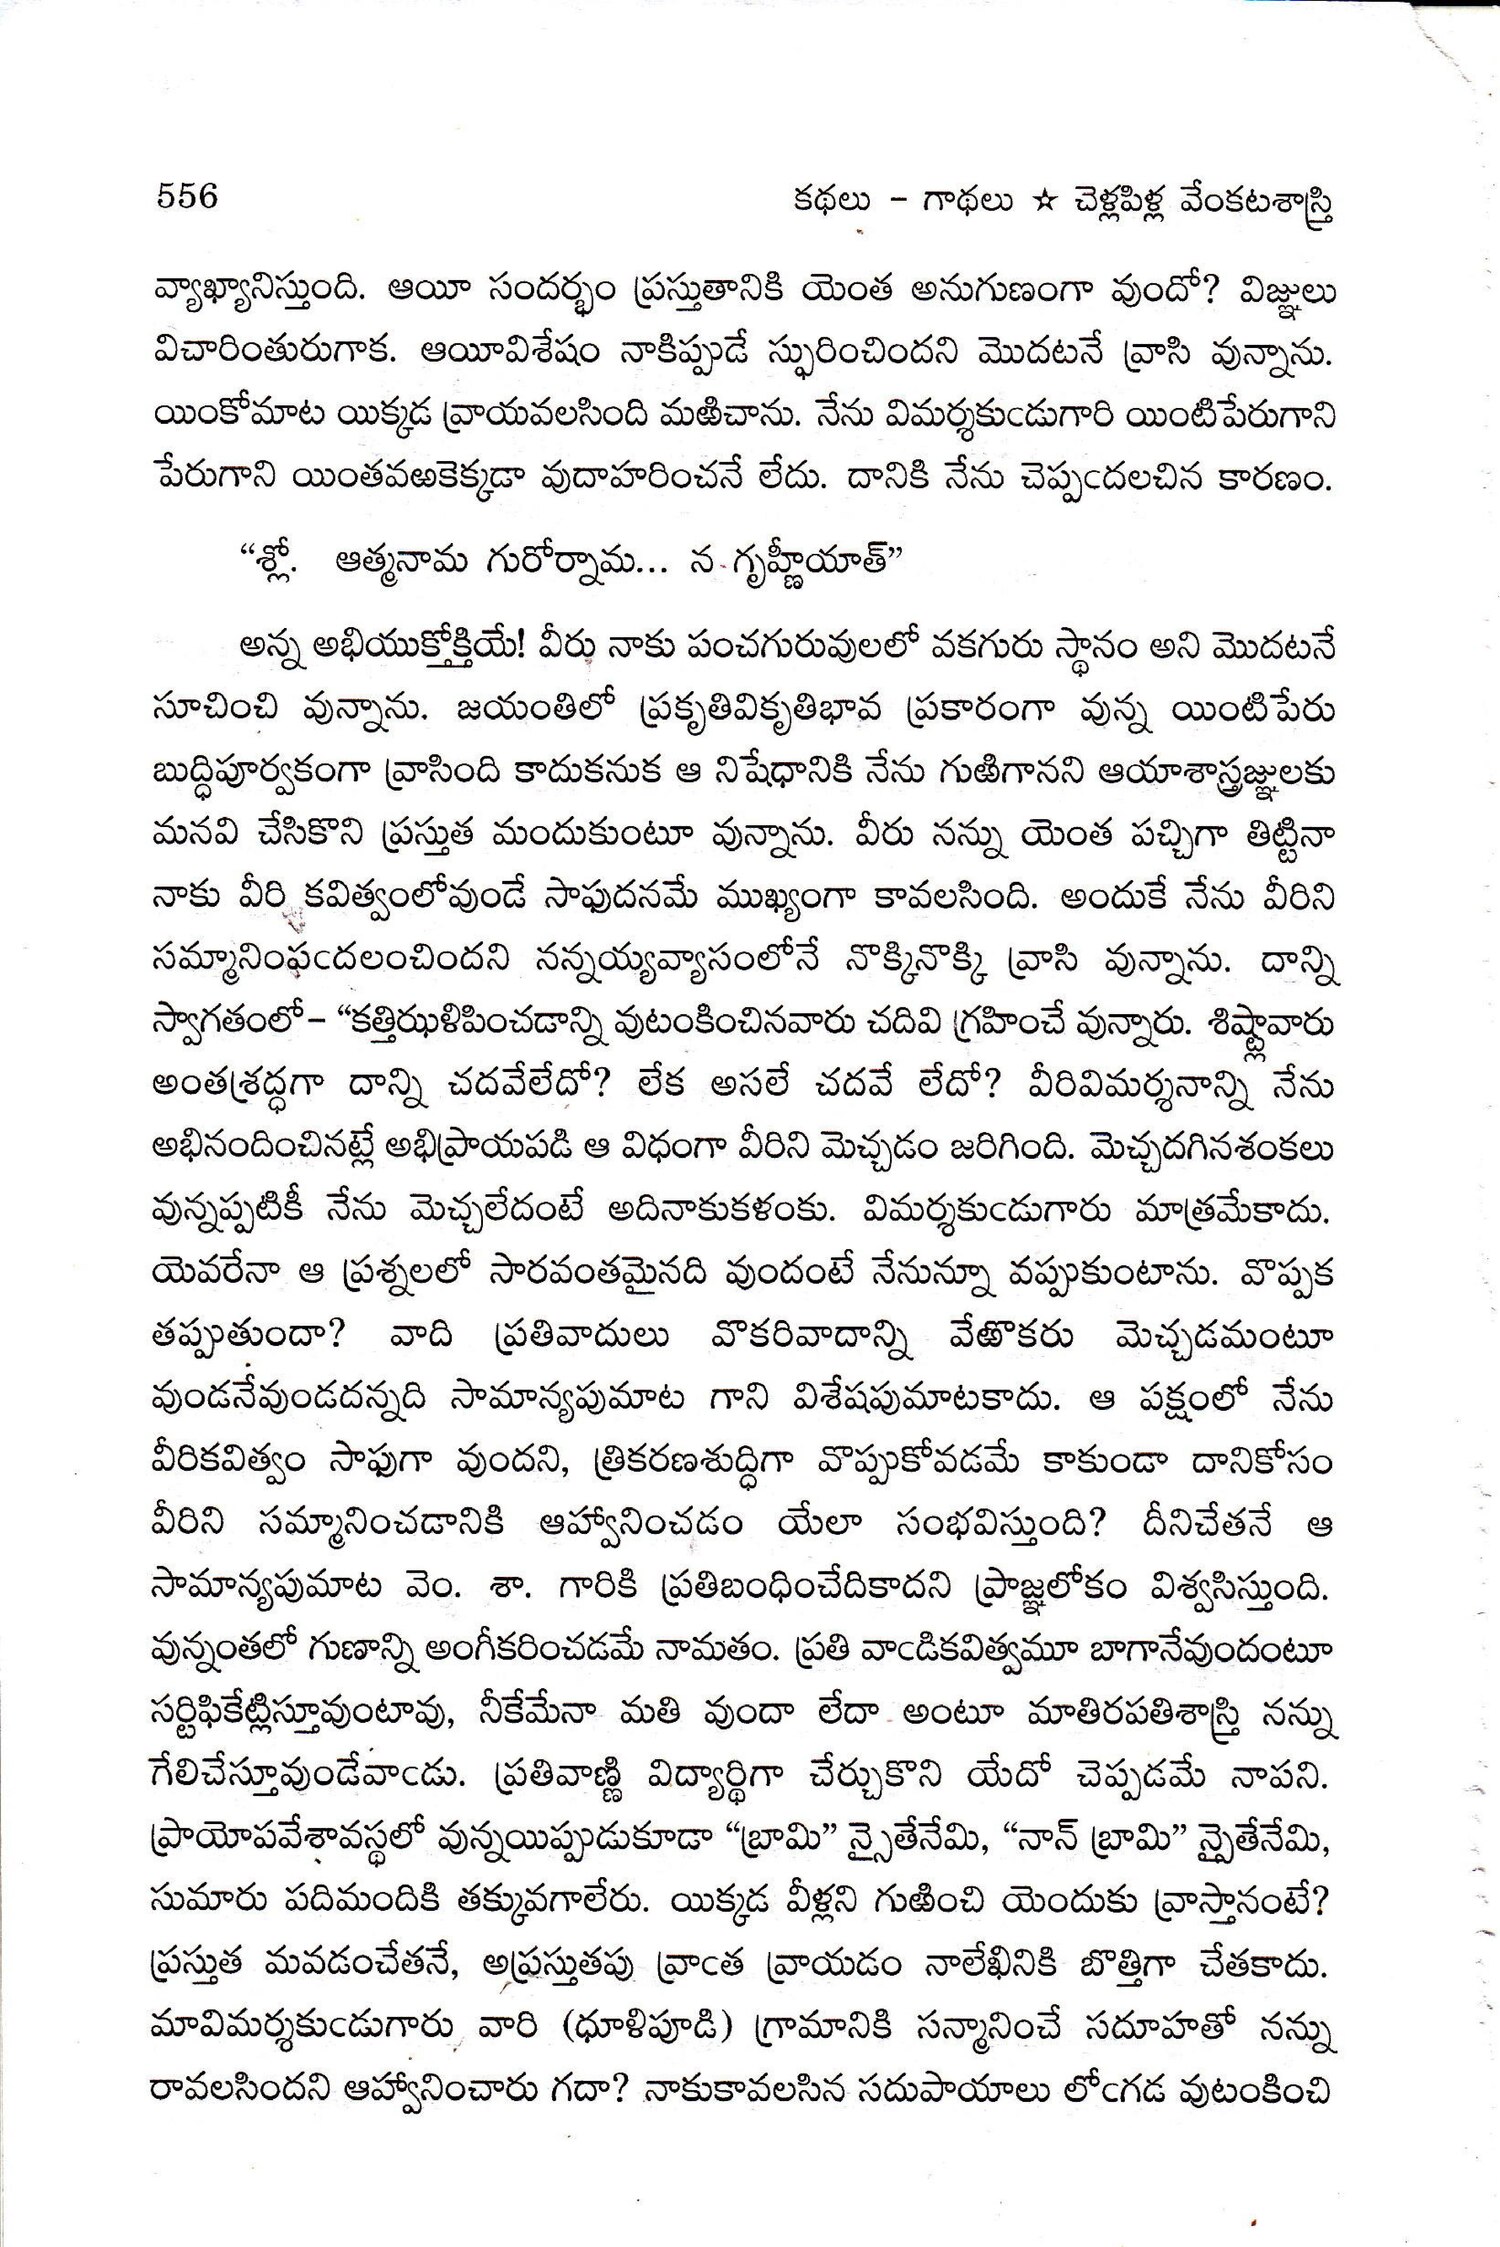వ్యాఖ్యానిస్తుంది. ఆయీ సందర్భం ప్రస్తుతానికి యెంత అనుగుణంగా వుందో? విజ్ఞులు విచారింతురుగాక. ఆయీవిశేషం నాకిప్పుడే స్ఫురించిందని మొదటనే వ్రాసి వున్నాను. యింకోమాట యిక్కడ వ్రాయవలసింది మఱిచాను. నేను విమర్శకుఁడుగారి యింటిపేరుగాని పేరుగాని యింతవఱకెక్కడా వుదాహరించనే లేదు. దానికి నేను చెప్పఁదలచిన కారణం.

“శ్లో ఆత్మనామ గురోర్నామ... న గృహ్ణీయాత్"
అన్న అభియుక్తోక్తియే! వీరు నాకు పంచగురువులలో వకగురు స్థానం అని మొదటనే సూచించి వున్నాను. జయంతిలో ప్రకృతివికృతిభావ ప్రకారంగా వున్న యింటిపేరు బుద్ధిపూర్వకంగా వ్రాసింది కాదుకనుక ఆ నిషేధానికి నేను గుఱిగానని ఆయాశాస్త్రజ్ఞులకు మనవి చేసికొని ప్రస్తుత మందుకుంటూ వున్నాను. వీరు నన్ను యెంత పచ్చిగా తిట్టినా నాకు వీరి కవిత్వంలోవుండే సాఫుదనమే ముఖ్యంగా కావలసింది. అందుకే నేను వీరిని సమ్మానింపఁదలంచిందని నన్నయ్యవ్యాసంలోనే నొక్కినొక్కి వ్రాసి వున్నాను. దాన్ని స్వాగతంలో- "కత్తిఝళిపించడాన్ని వుటంకించినవారు చదివి గ్రహించే వున్నారు. శిష్ట్లావారు అంతశ్రద్ధగా దాన్ని చదవేలేదో? లేక అసలే చదవే లేదో? వీరివిమర్శనాన్ని నేను అభినందించినట్లే అభిప్రాయపడి ఆ విధంగా వీరిని మెచ్చడం జరిగింది. మెచ్చదగినశంకలు వున్నప్పటికీ నేను మెచ్చలేదంటే అదినాకుకళంకు. విమర్శకుఁడుగారు మాత్రమేకాదు. యెవరేనా ఆ ప్రశ్నలలో సారవంతమైనది వుందంటే నేనున్నూ వప్పుకుంటాను. వొప్పక తప్పుతుందా? వాది ప్రతివాదులు వొకరివాదాన్ని వేఱొకరు మెచ్చడమంటూ వుండనేవుండదన్నది సామాన్యపుమాట గాని విశేషపుమాటకాదు. ఆ పక్షంలో నేను వీరికవిత్వం సాఫుగా వుందని, త్రికరణశుద్ధిగా వొప్పుకోవడమే కాకుండా దానికోసం వీరిని సమ్మానించడానికి ఆహ్వానించడం యేలా సంభవిస్తుంది? దీనిచేతనే ఆ సామాన్యపుమాట వెం. శా. గారికి ప్రతిబంధించేదికాదని ప్రాజ్ఞలోకం విశ్వసిస్తుంది. వున్నంతలో గుణాన్ని అంగీకరించడమే నామతం. ప్రతి వాఁడికవిత్వమూ బాగానేవుందంటూ సర్టిఫికేట్లిస్తూవుంటావు, నీకేమేనా మతి వుందా లేదా అంటూ మాతిరపతిశాస్త్రి నన్ను గేలిచేస్తూవుండేవాఁడు. ప్రతివాణ్ణి విద్యార్థిగా చేర్చుకొని యేదో చెప్పడమే నాపని. ప్రాయోపవేశావస్థలో వున్నయిప్పుడుకూడా "బ్రామి" న్సైతేనేమి, “నాన్ బ్రామి" న్సైతేనేమి, సుమారు పదిమందికి తక్కువగాలేరు. యిక్కడ వీళ్లని గుఱించి యెందుకు వ్రాస్తానంటే? ప్రస్తుత మవడంచేతనే, అప్రస్తుతపు వ్రాఁత వ్రాయడం నాలేఖినికి బొత్తిగా చేతకాదు. మావిమర్శకుఁడుగారు వారి (ధూళిపూడి) గ్రామానికి సన్మానించే సదూహతో నన్ను రావలసిందని ఆహ్వానించారు గదా? నాకుకావలసిన సదుపాయాలు లోఁగడ వుటంకించి